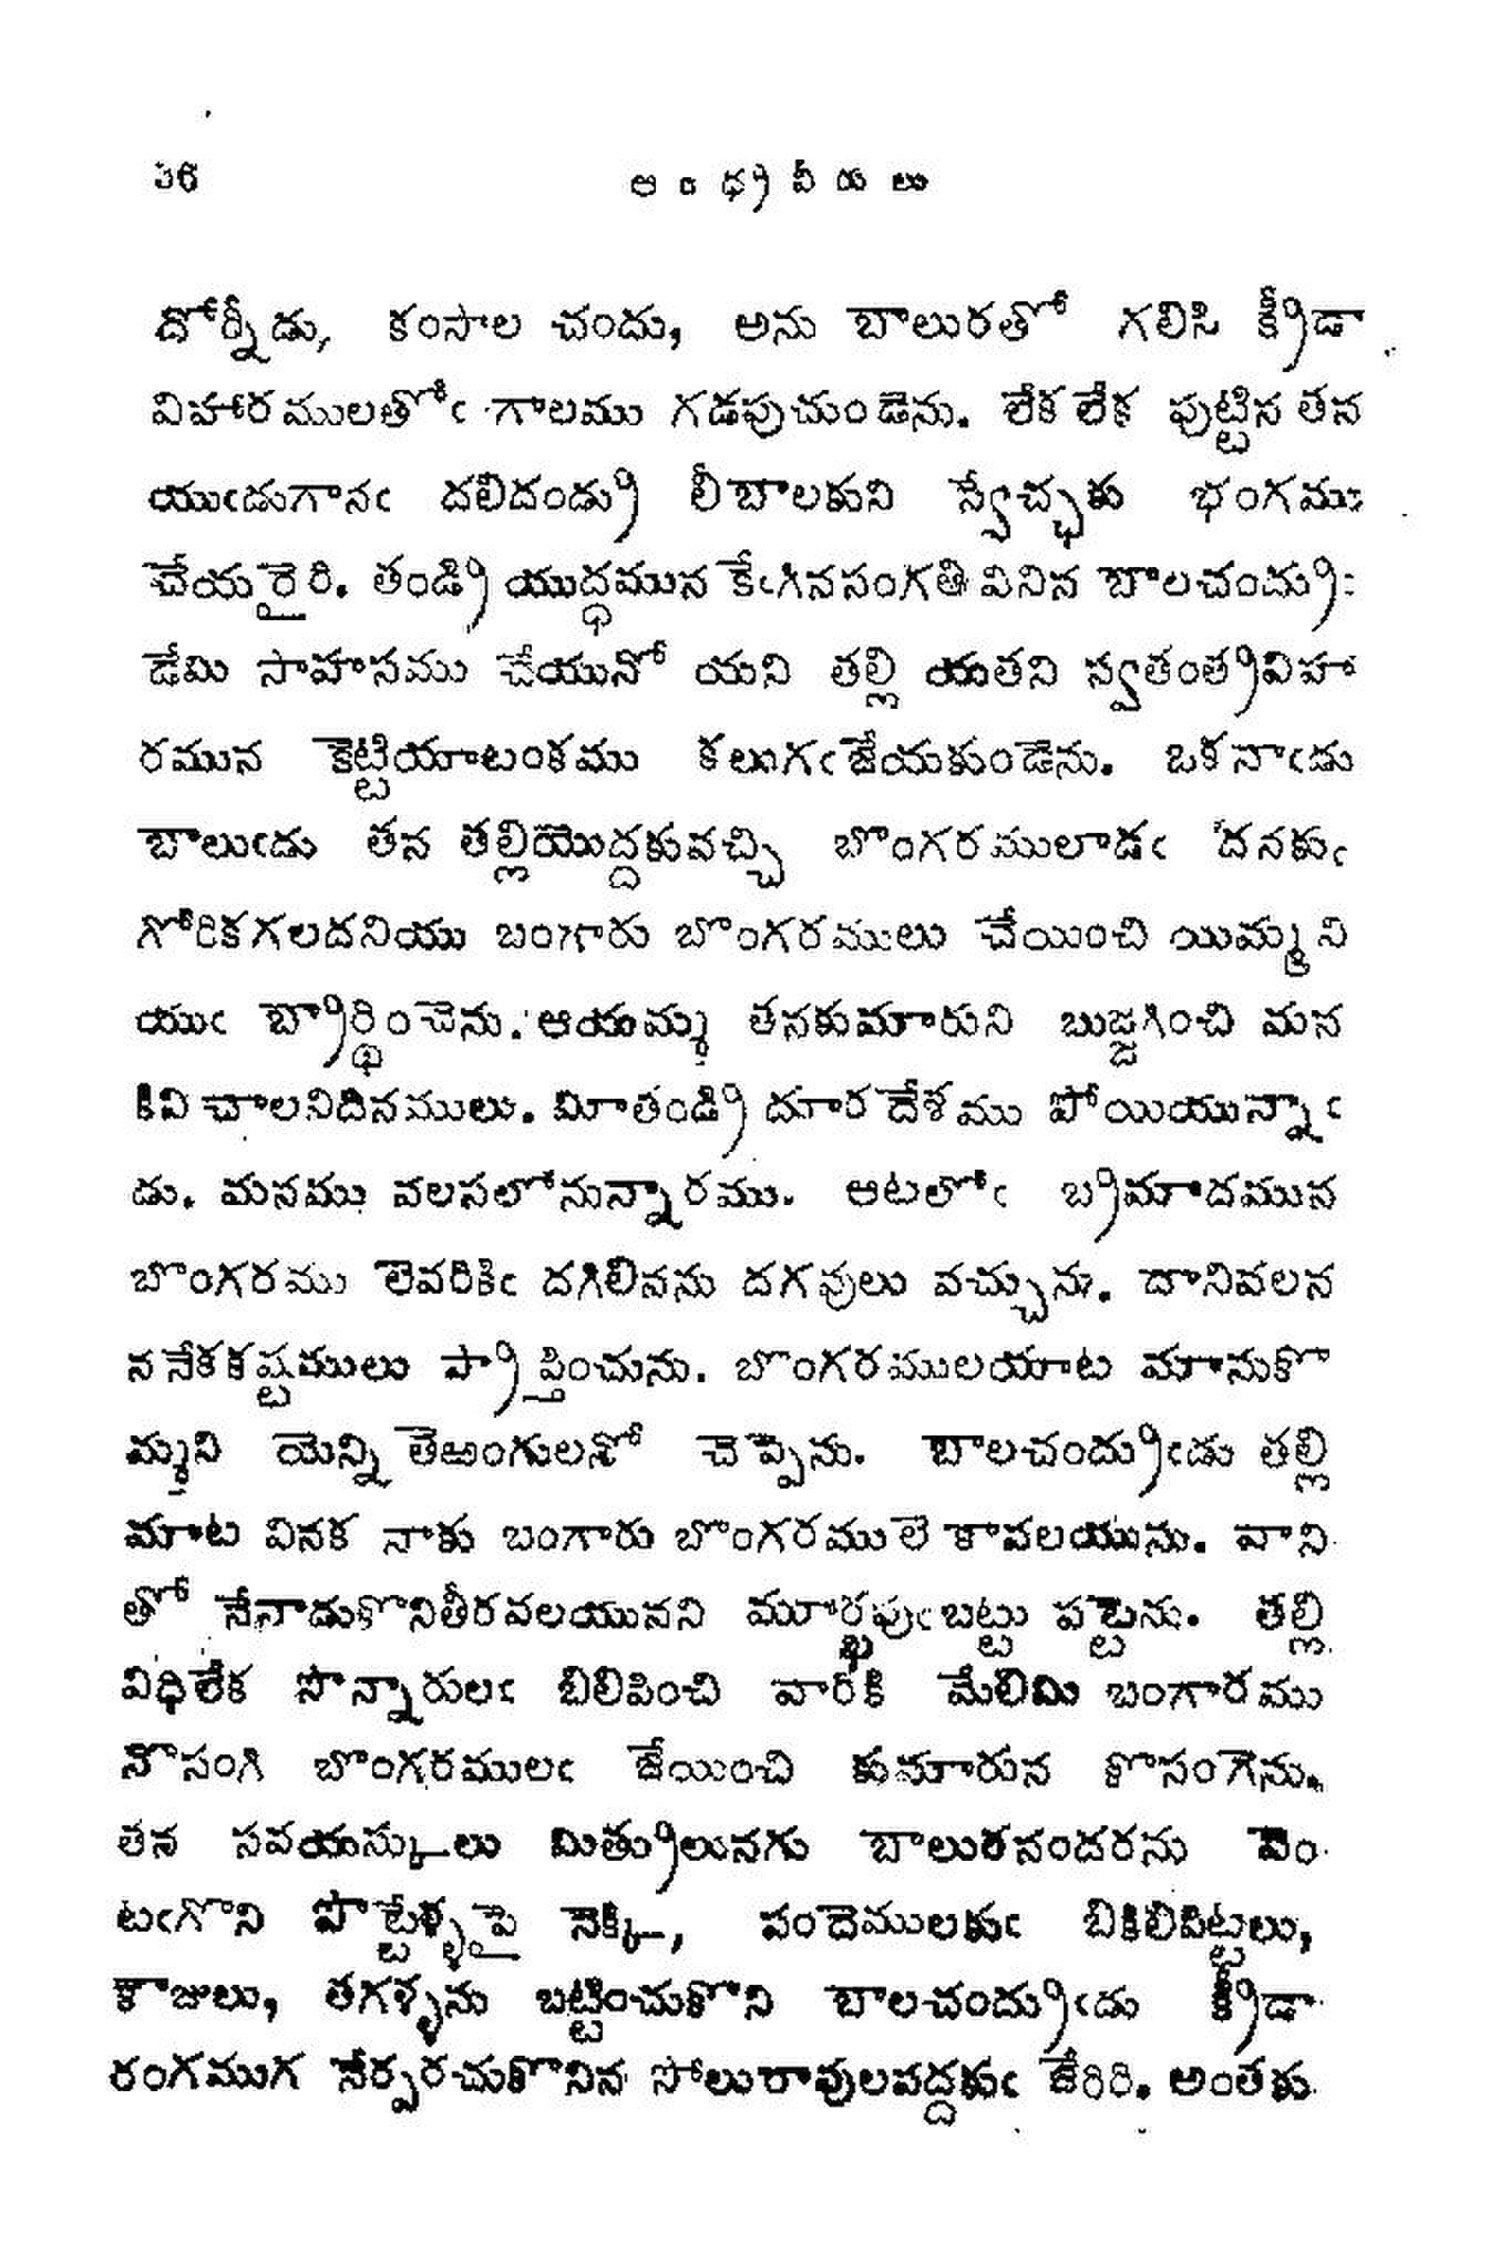దోర్నీడు, కంసాల చందు, అను బాలురతో గలిసి క్రీడా విహారములతో గాలము గడపుచుండెను. లేక లేక పుట్టిన తనయుడుగాన దలిదండ్రు లీబాలకుని స్వేచ్ఛకు భంగము చేయరైరి. తండ్రి యుద్ధమున కేగినసంగతి వినిన బాలచంద్రు డేమి సాహసము చేయునో యని తల్లి యతని స్వతంత్రవిహారమున కెట్టియాటంకము కలుగజేయకుండెను. ఒకనాడు బాలుడు తన తల్లియొద్దకువచ్చి బొంగరములాడ దనకు గోరికగలదనియు బంగారు బొంగరములు చేయించి యిమ్మనియు బ్రార్థించెను. ఆయమ్మ తనకుమారుని బుజ్జగించి మన కివి చాలనిదినములు. మీతండ్రి దూరదేశము పోయుయున్నాడు. మనము వలసలోనున్నారము. ఆటలో బ్రమాదమున బొంగరము లెవరికి దగిలినను దగవులు వచ్చును. దానివలన ననేకకష్టములు ప్రాప్తించును. బొంగరములయాట మానుకొమ్మని యెన్ని తెఱంగులనో చెప్పెను. బాలచంద్రుడు తల్లిమాట వినక నాకు బంగారు బొంగరములె కావలయును. వానితో నేనాడుకొనితీరవలయునని మూర్ఖపు బట్టు పట్టెను. తల్లివిధిలేక సొన్నారుల బిలిపించి వారికి మేలిమి బంగారము నొసంగి బొంగరముల జేయించి కుమారున కొసంగెను. తన సవయస్కులు మిత్రులునగు బాలురనందరను వెంటగొని పొట్టేళ్ళపై నెక్కి, పందెములకు బికిలిపిట్టలు, కౌజులు, తగళ్ళను బట్టించుకొని బాలచంద్రుడు క్రీడారంగముగ నేర్పరచుకొనిన సోలురావులవద్దకు జేరిరి. అంతకు